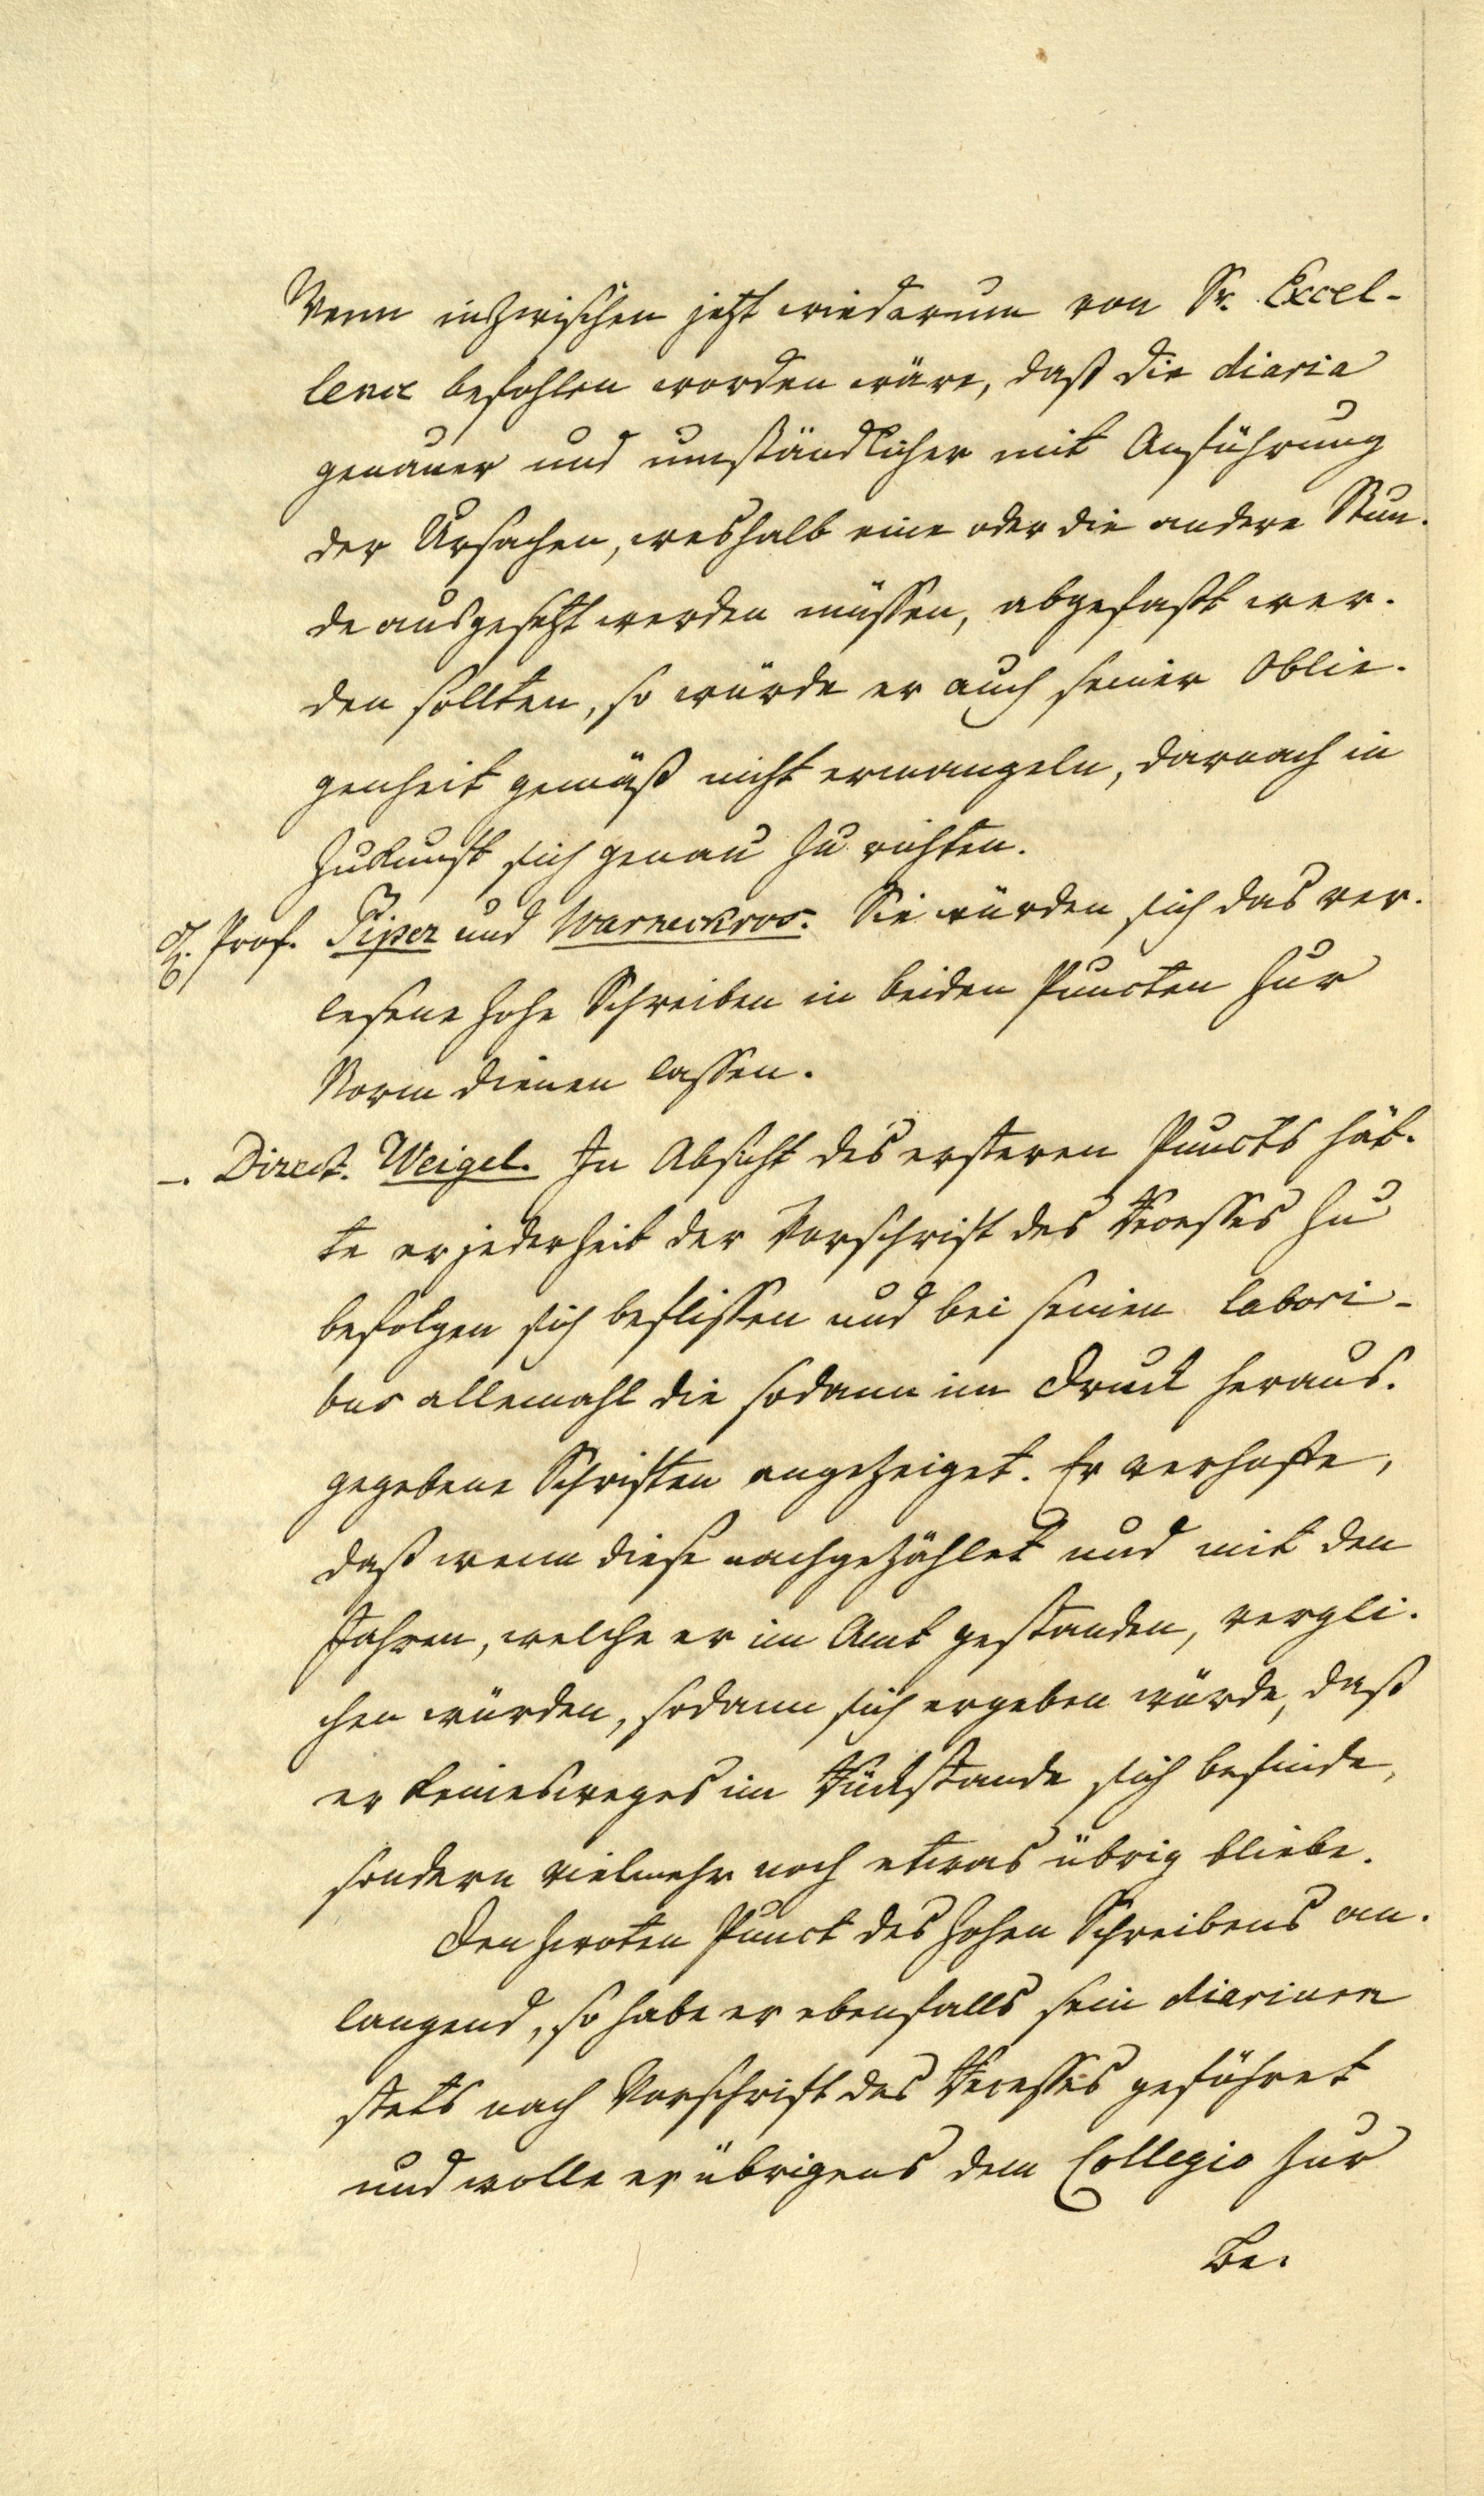Wenn inzwischen jetzt wiederum von Sr Excel¬
lence befohlen worden wäre, daß die diaria
genauer und umständlicher mit Anführung
der Ursachen, weshalb eine oder die andere Stun¬
de ausgesetzt werden müssen, abgefaßt wer¬
den sollten, so würde er auch seiner Oblie¬
genheit gemäß nicht ermangeln, darnach in
Zukunft sich genau zu richten.
dh. Prof. Piper und Warneckros. Sie würden sich das ver¬
lesene hohe Schreiben in beiden Punckten zur
Norm dienen lassen.
Direct. Weigel. In Absicht des ersteren Puncts hät¬
te er jederzeit der Vorschrift des Recesses zu
befolgen sich beflissen und bei seinen Labori¬
bus allemahl die sodann im Druck heraus¬
gegebenen Schriften angezeiget. Er verhoffe,
daß wenn diese nachgezählet und mit den
Jahren, welche er im Amt gestanden, vergli¬
chen würden, sodann sich ergeben würde, daß
er keinesweges im Rückstande sich befinde,
sondern vielmehr noch etwas übrig bliebe.
Den zwoten Punct des Hohen Schreibens an¬
langend, so habe er ebenfalls sein diarium
stets nach Vorschrift des Recesses geführet
und wolle er übrigens dem Collegio zur
Be-